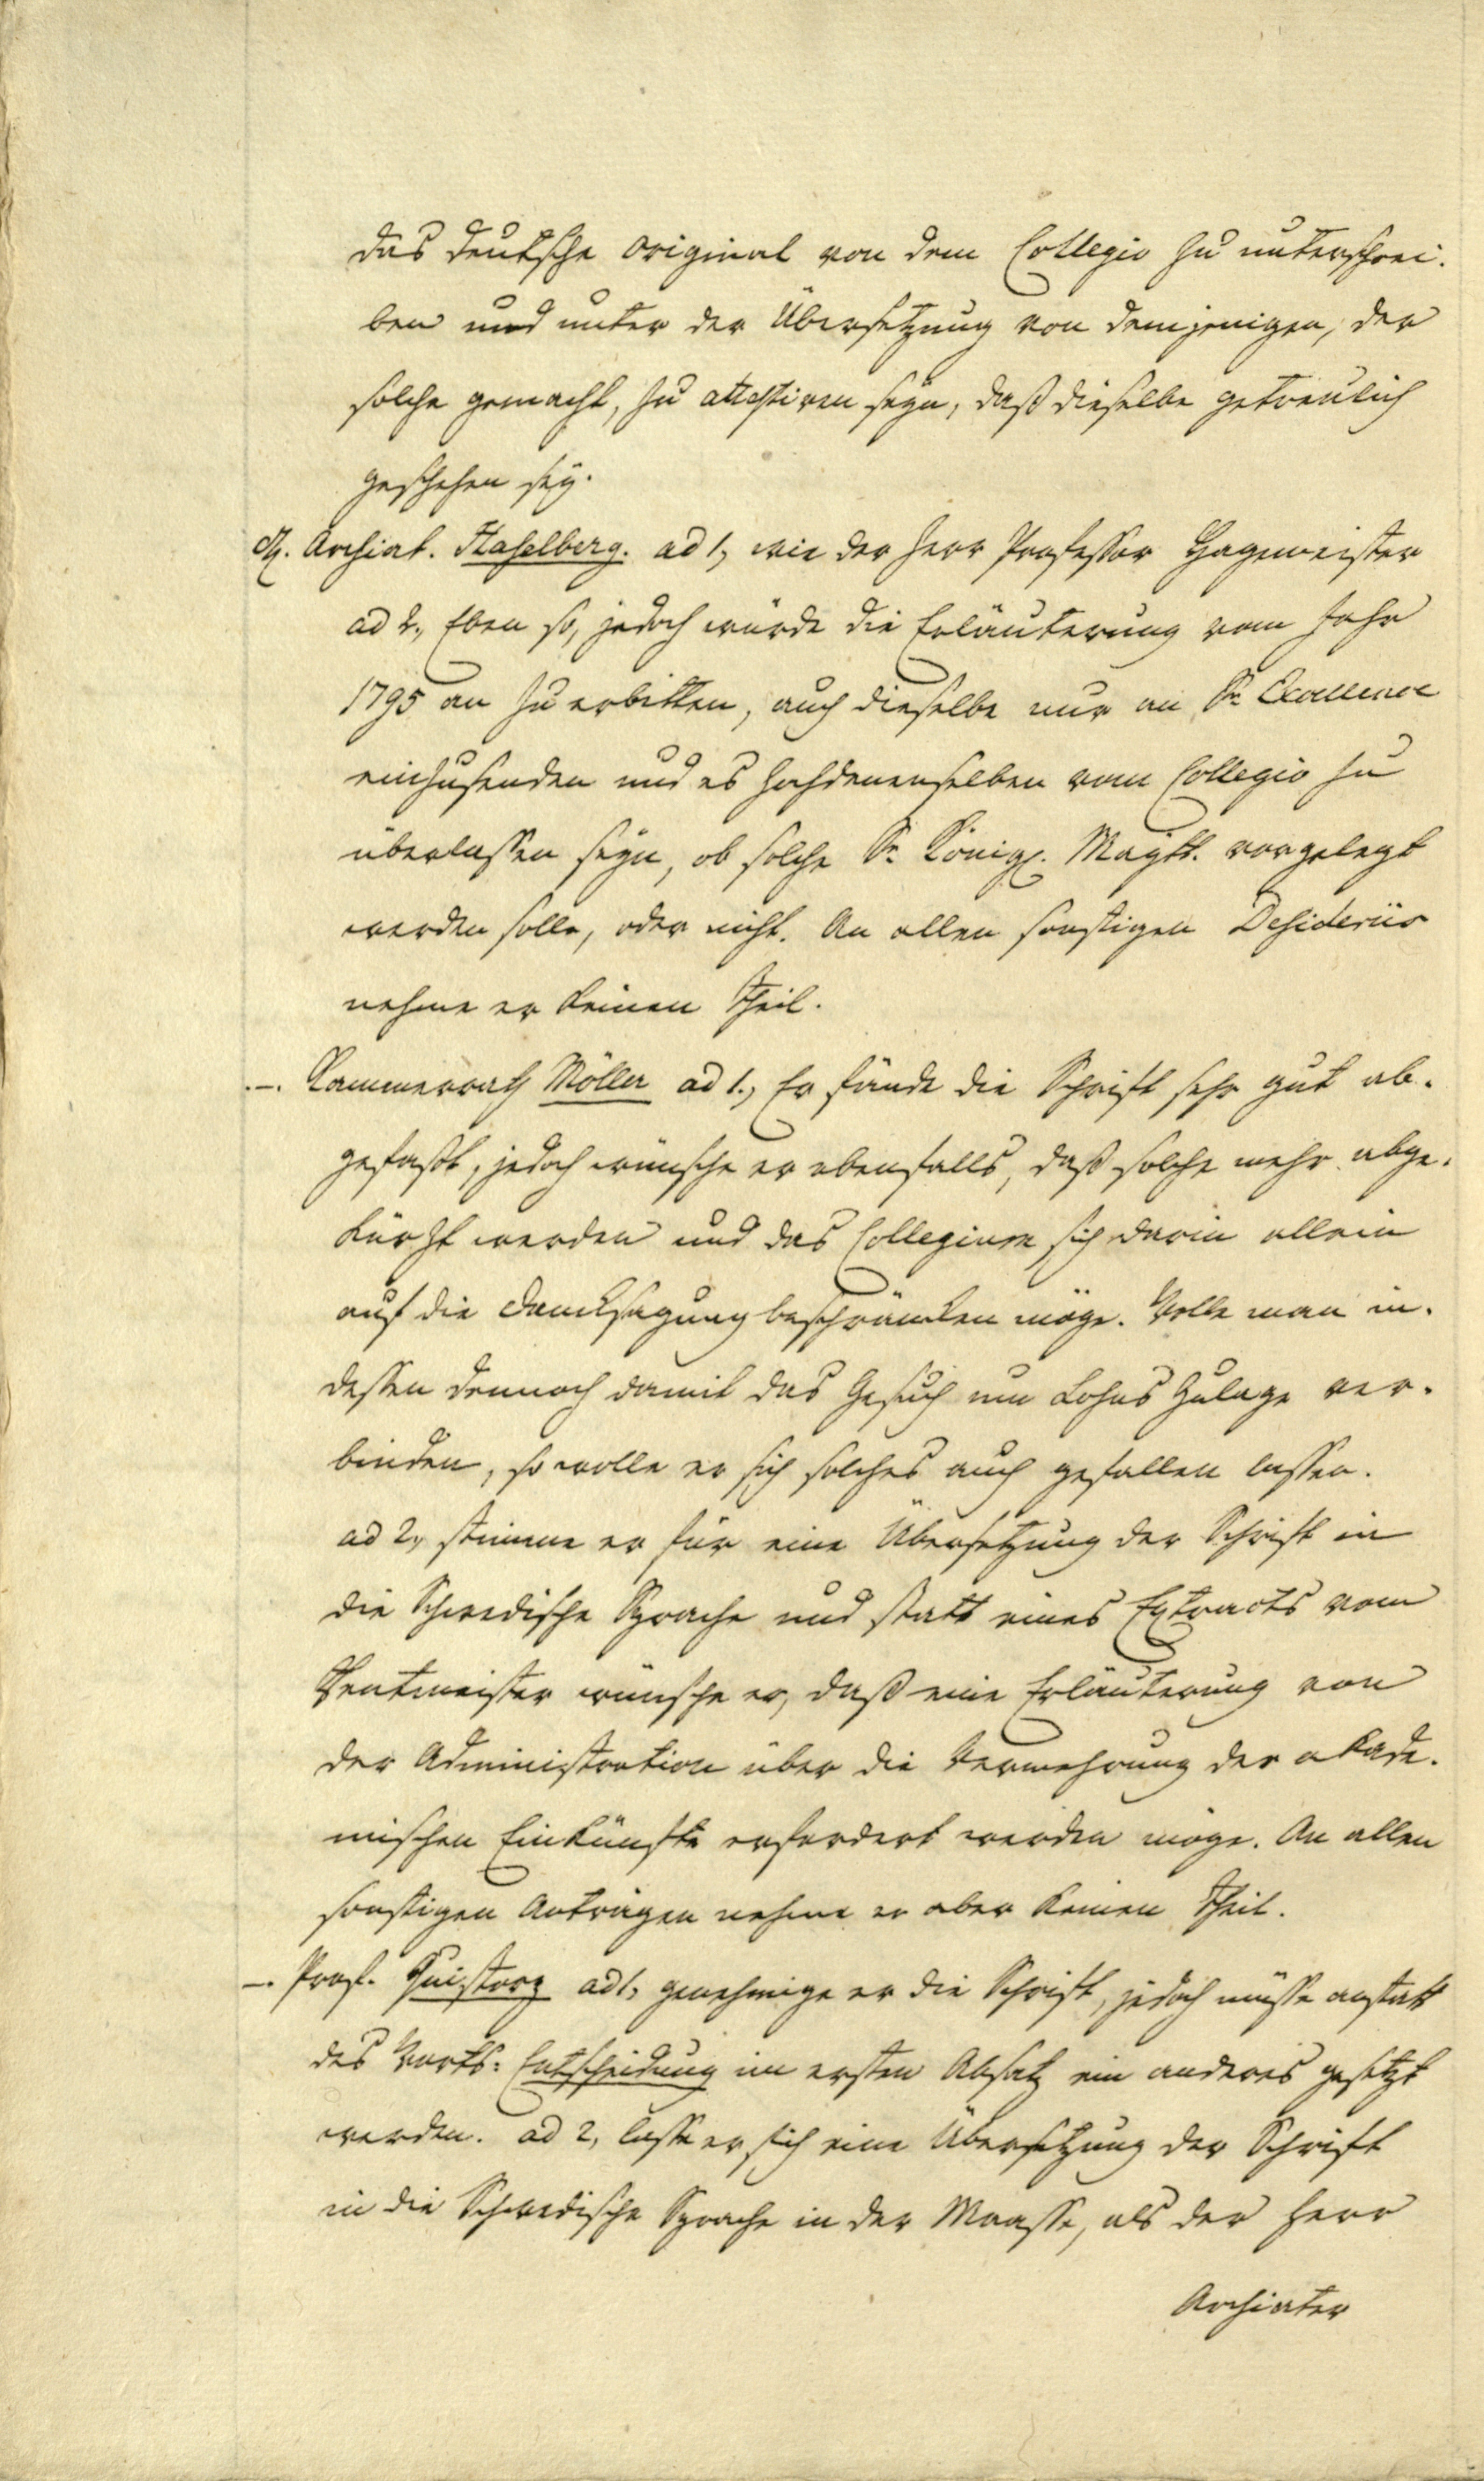das deutsche Original von dem Collegio zu unterschrei¬
ben und unter der Übersetzung von demjenigen, der
solche gemacht, zu attestiren seÿn, daß dieselbe getreulich
geschehen seÿ.
dh. Archiat. Haselberg. ad 1, wie der Herr Professor Hagemeister
ad 2., Eben so, jedoch würde die Erläuterung vom Jahr
1795 an zu erbitten, auch dieselbe nur an Sr Excellence
einzusenden und es Hochdenenselben vom Collegio zu
überlassen seÿn, ob solche Sr Königl. Maÿtt. vorgelegt
werden solle, oder nicht. An allen sonstigen Desideriis
nehme er keinen Theil.
Kammerrath Möller ad 1., Er fände die Schrift sehr gut ab¬
gefaßt, jedoch wünsche er ebenfalls, daß solche mehr abge¬
kürzt werden und das Collegium sich darin allein
auf die Dancksagung beschräncken möge. Wolle man in¬
dessen dennoch damit das Gesuch um Lohns Zulage ver¬
binden, so wolle er sich solches auch gefallen lassen.
ad 2., stimme er für eine Übersetzung der Schrift in
die Schwedische Sprache und statt eines Extracts vom
Rentmeister wünsche er, daß eine Erläuterung von
der Administration über die Vermehrung der akade¬
mischen Einkünfte erfordert werden möge. An allen
sonstigen Anträgen nehme er aber keinen Theil.
Prof. Quistorp ad 1, genehmige er die Schrift, jedoch müsse anstatt
des Worts: Entscheidung im ersten Absatz ein anderes gesetzt
werden. ad 2, lasse er sich eine Übersetzung der Schrift
in die Schwedische Sprache in der Maasse, als der Herr
Archiater